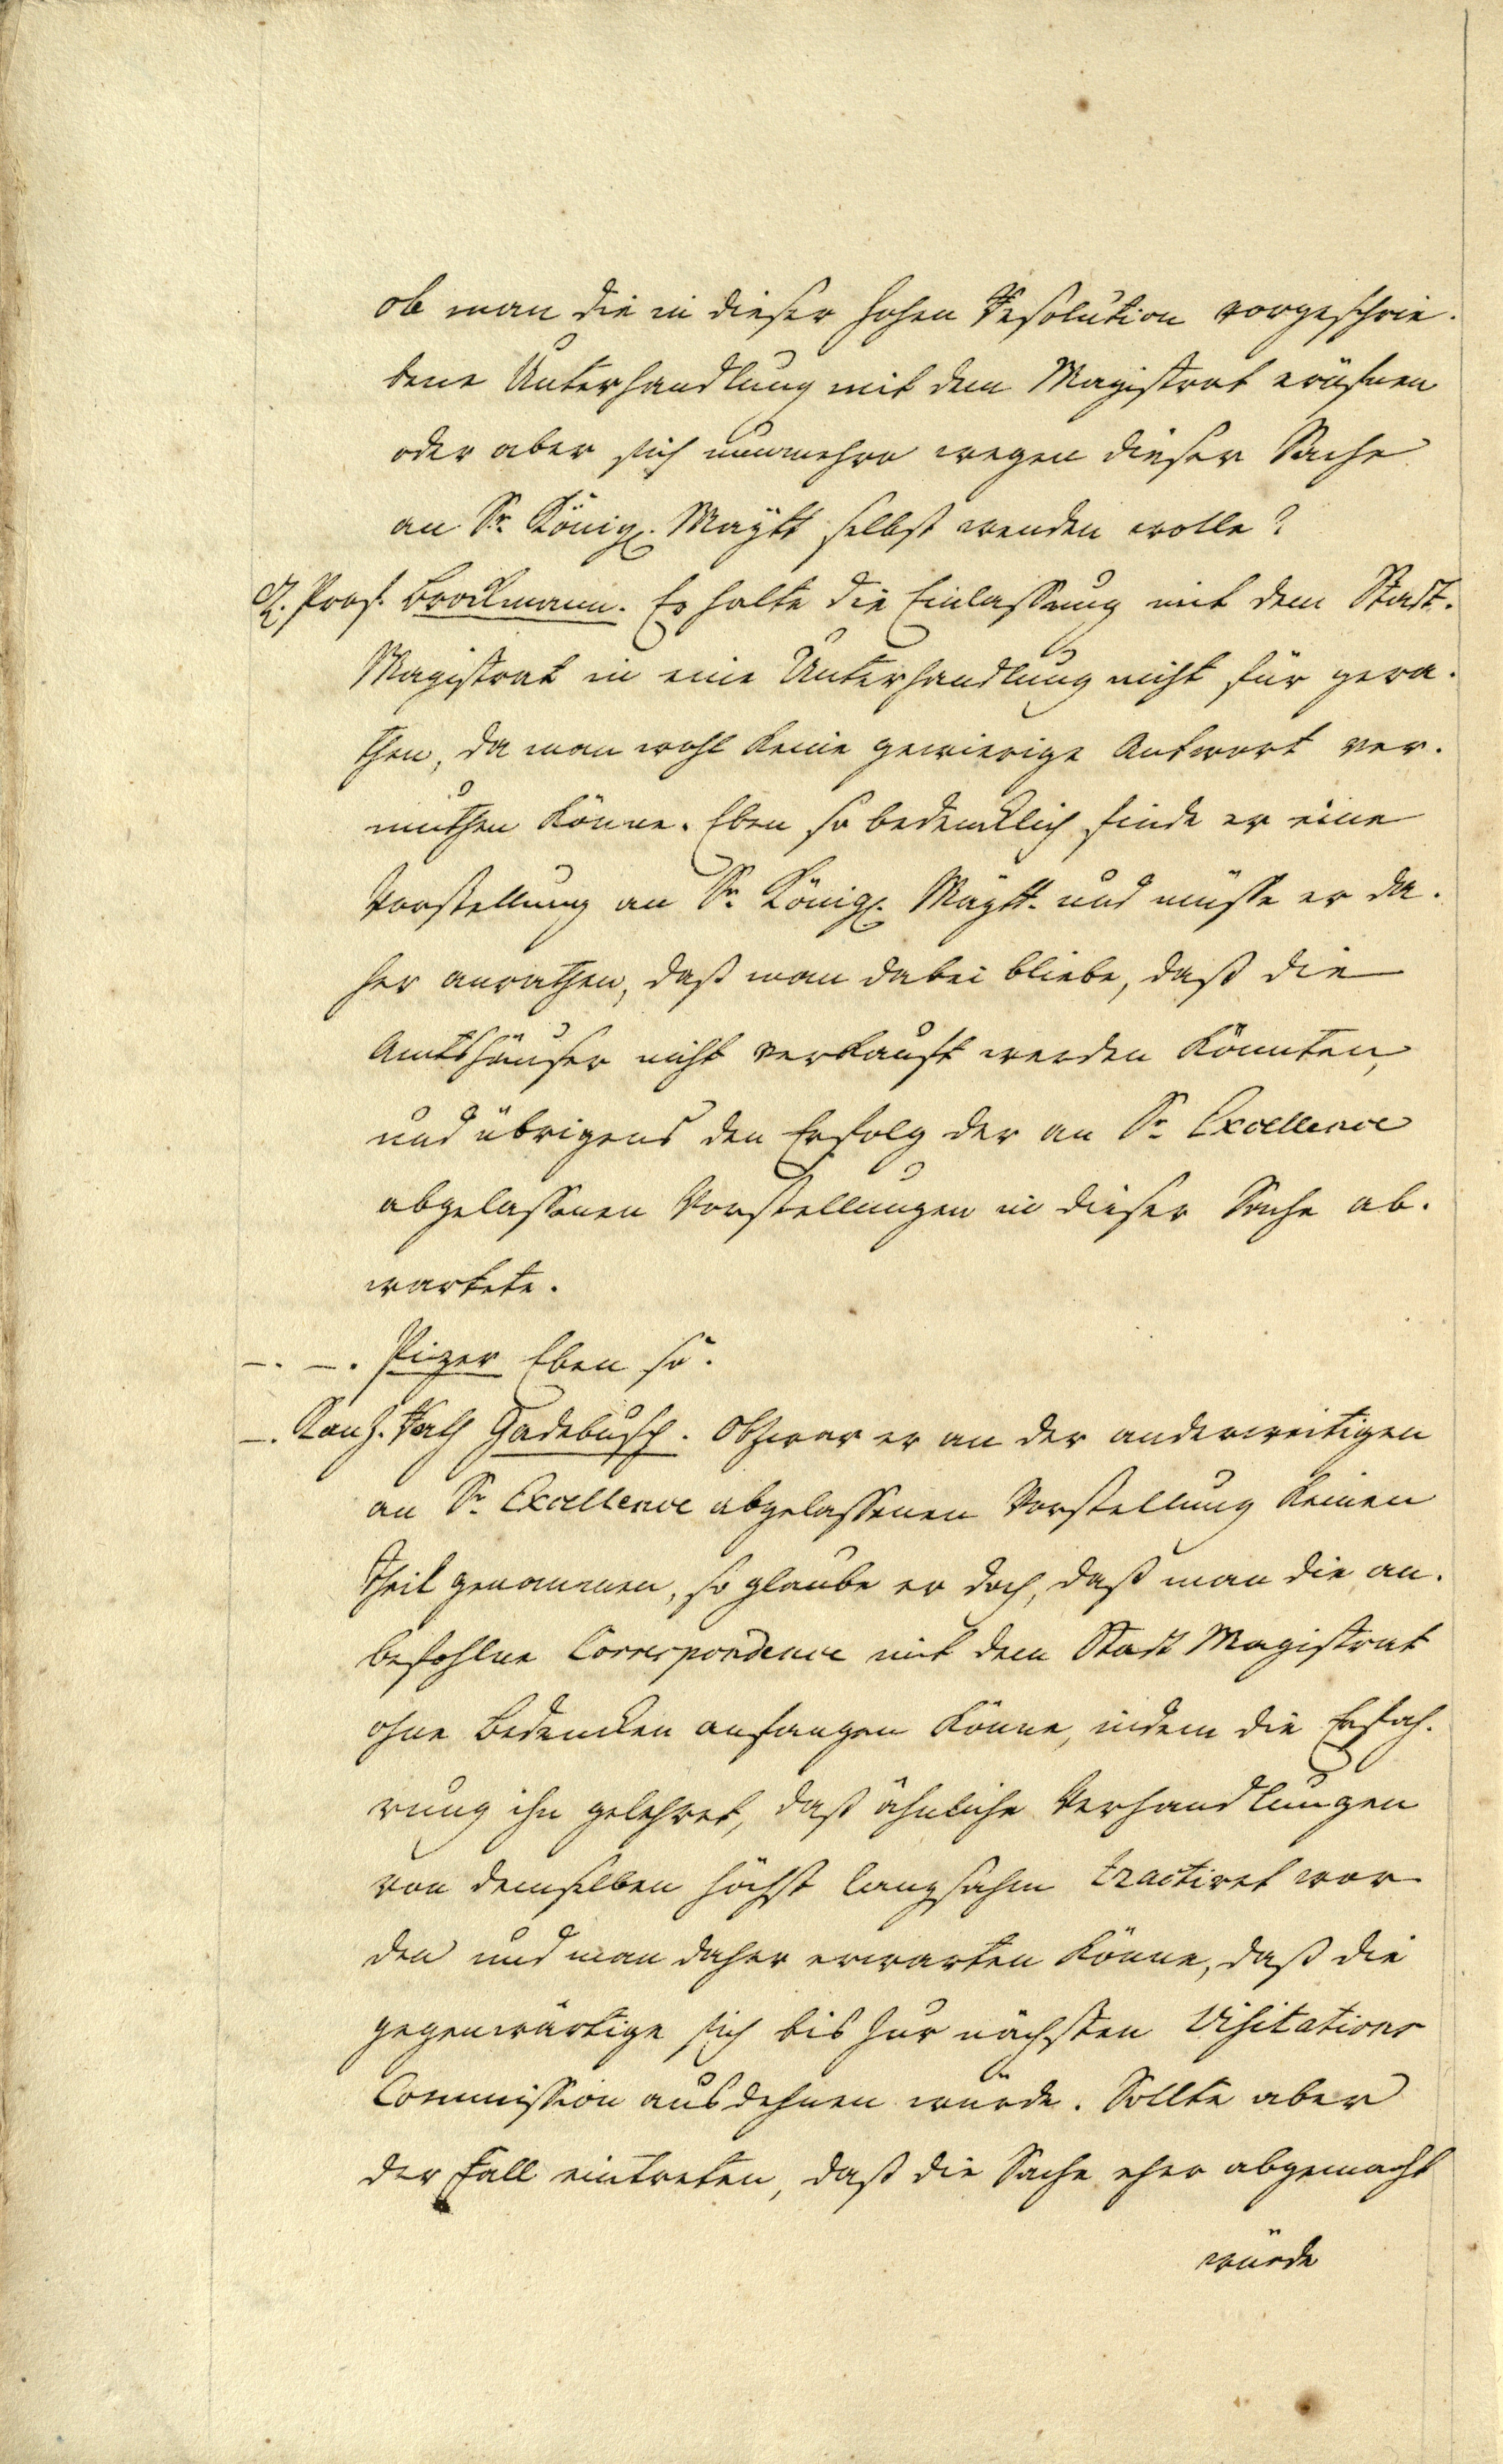ob man die in dieser hohen Resolution vorgeschrie¬
bene Unterhandlung mit dem Magistrat eröfnen
oder aber sich nunmehro wegen dieser Sache
an Sr. Königl. Maÿtt. selbst wenden wolle?
dh. Prof. Brockmann. Er halte die Einlassung mit dem Stadt¬
Magistrat in eine Unterhandlung nicht für gera¬
then, da man wohl keine gewierige Antwort ver¬
muthen könne. Eben so bedencklich finde er eine
Vorstellung an Sr. Königl. Maÿtt. und müsse er da¬
her anrathen, daß man dabei bliebe, daß die
Amtshäuser nicht verkauft werden könnten
und übrigens den Erfolg der an Sr. Excellence
abgelassenen Vorstellungen in dieser Sache ab¬
wartete.
Piper Eben so.
Kanz. Rath Gadebusch. Obzwar er an der anderweitigen
an Sr. Excellence abgelassenen Vorstellung keinen
Theil genommen, so glaube er doch, daß man die an¬
befohlene Correspondence mit dem Stadt Magistrat
ohne Bedencken anfangen könne, indem die Erfah¬
rung ihn gelehret, daß ähnliche Verhandlungen
von demselben höchst langsahm tractiret wor¬
den und man daher erwarten könne, daß die
gegenwärtige sich bis zur nächsten Visitations
Commission ausdehnen würde. Sollte aber
der Fall eintreten, daß die Sache eher abgemacht
würde